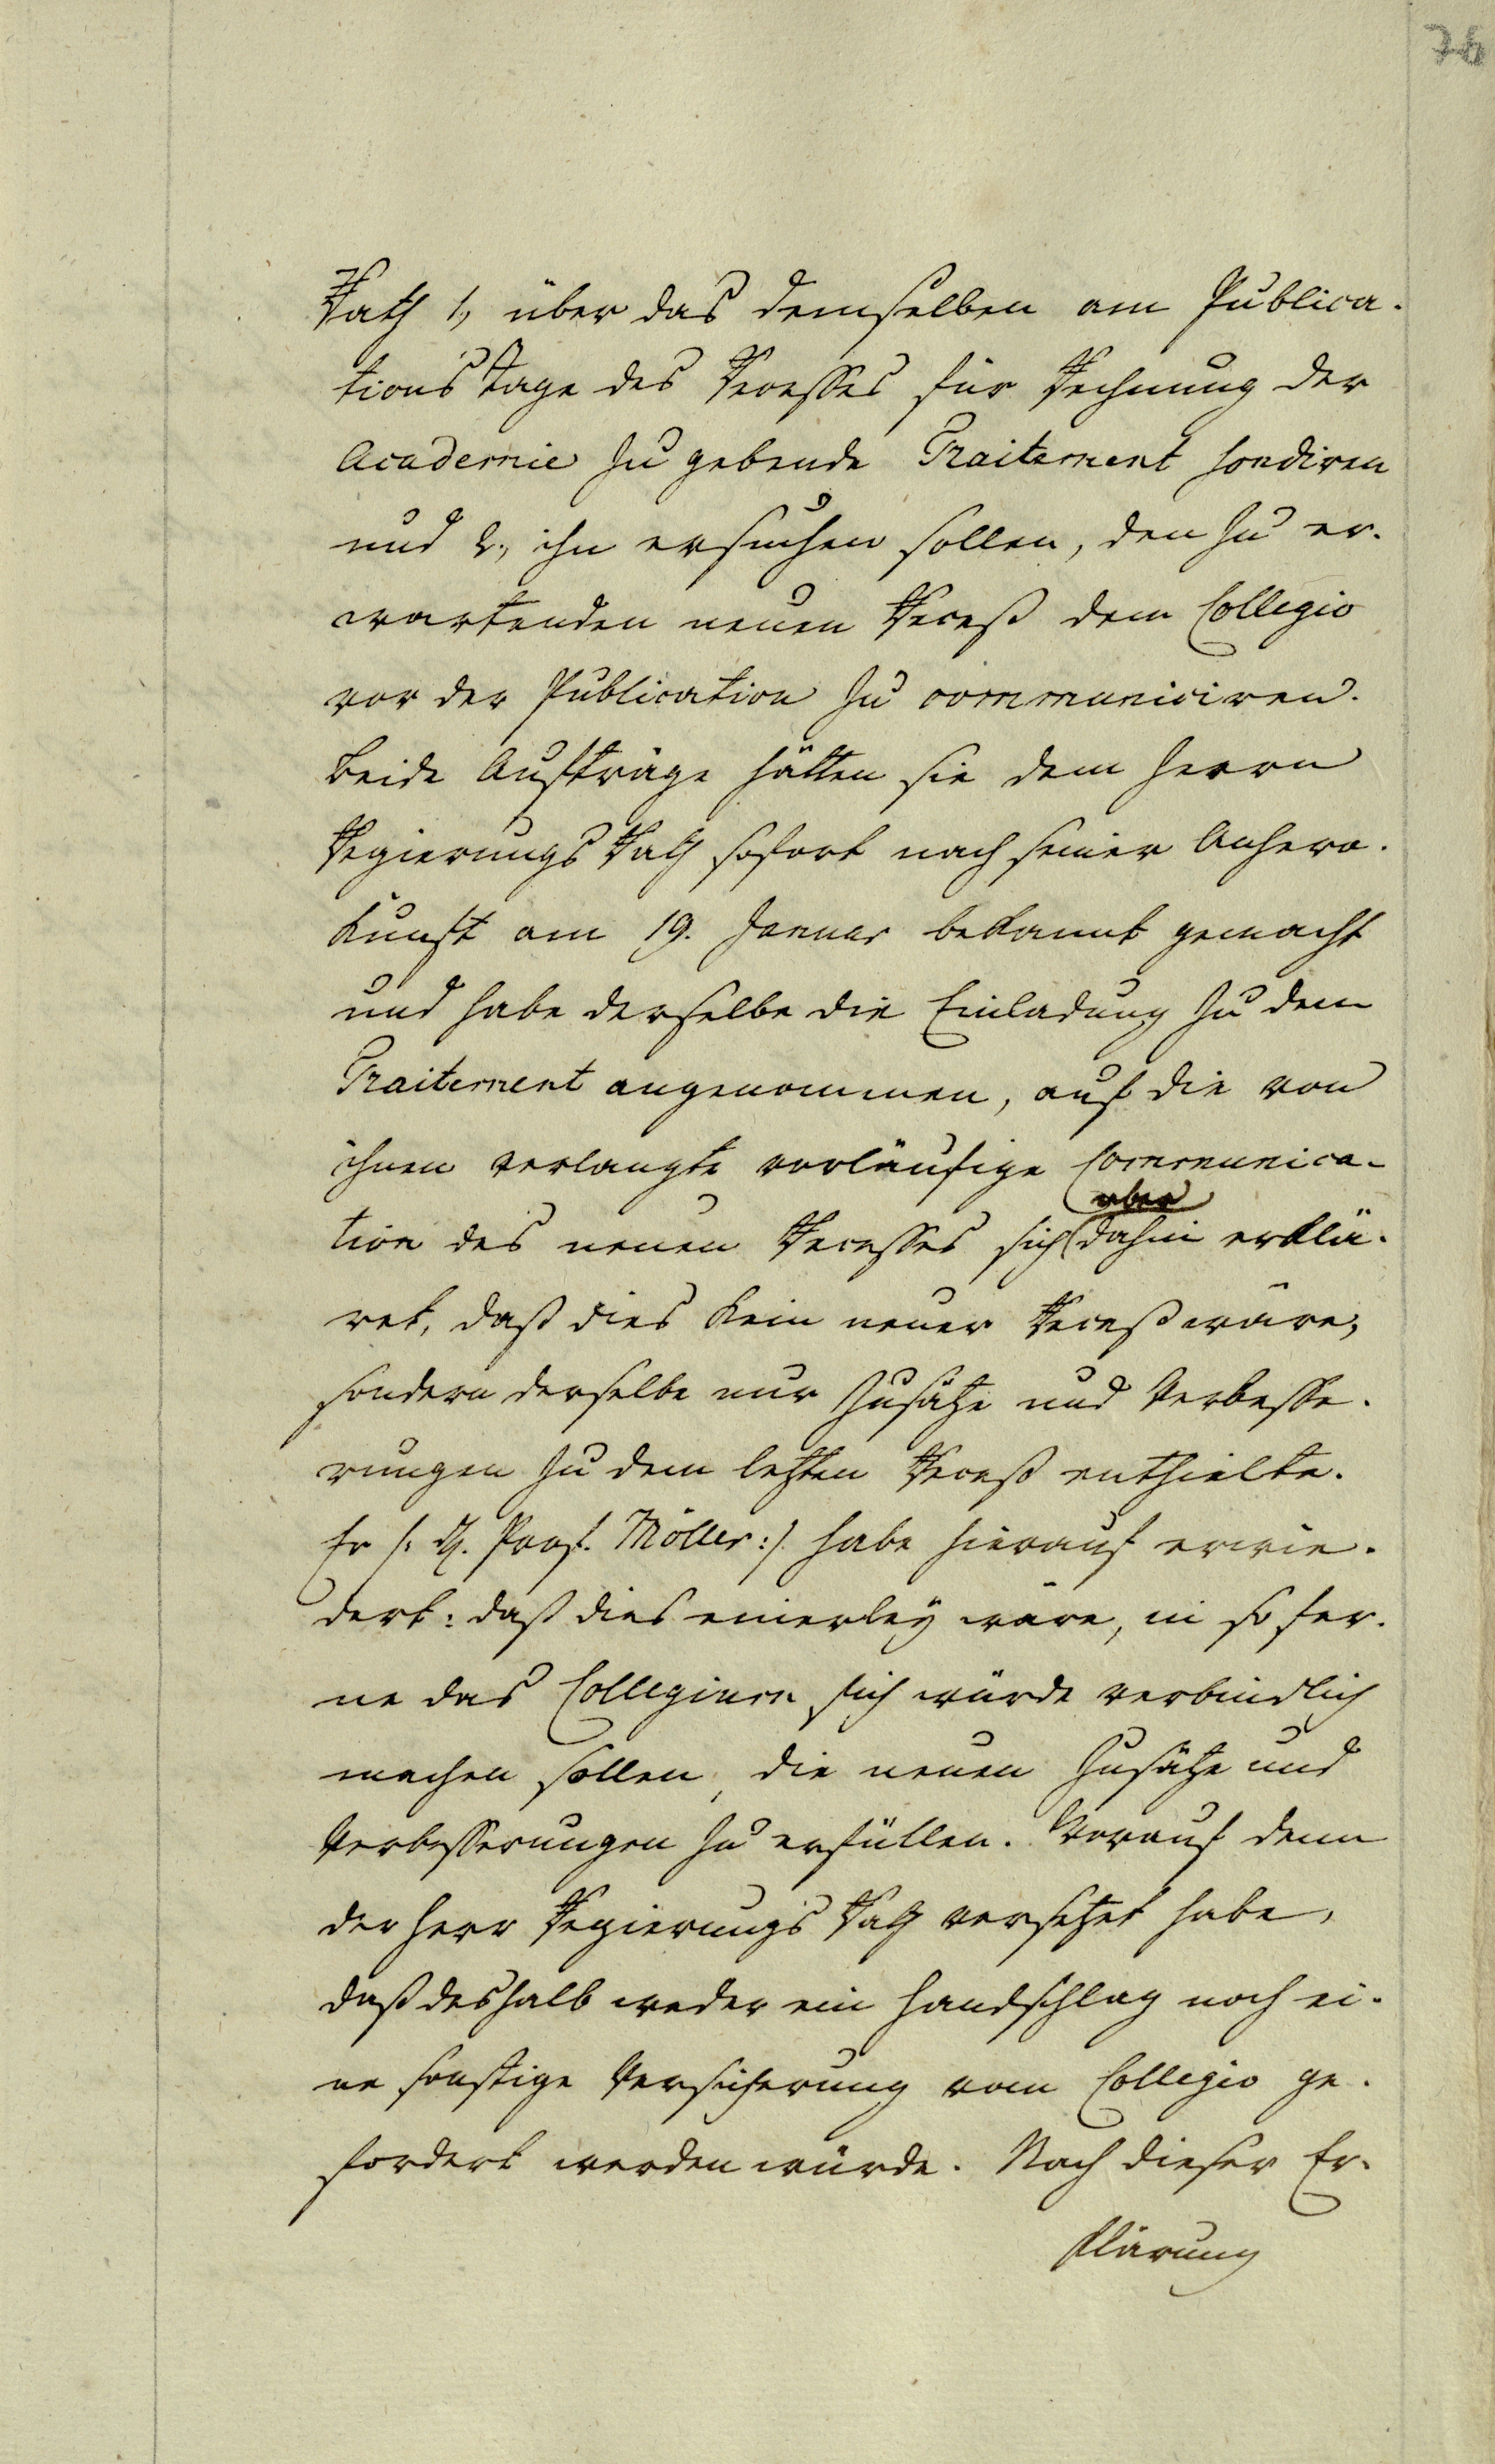Rath 1., über das demselben am Publica¬
tions Tage des Recesses für Rechnung der
Academie zu gebende Traitement sondiren
und 2., ihn ersuchen sollen, den zu er¬
wartenden neuen Receß dem Collegio
vor der Publication zu communiciren.
Beide Aufträge hätten sie dem Herrn
Regierungs Rath sofort nach seiner Anhero¬
kunft am 19. Januar bekannt gemacht
und habe derselbe die Einladung zu dem
Traitement angenommen, auf die von
ihnen verlangte vorläufige Communica¬
aber
tion des neuen Recesses sich dahin erklä¬
ret, daß dies kein neuer Receß wäre,
sondern derselbe nur Zusätze und Verbesse¬
rungen zu dem letzten Receß enthielte.
Er /. dh. Prof. Möller :/ habe hierauf erwie¬
dert: daß dies einerleÿ wäre, in so fer¬
ne das Collegium sich würde verbindlich
machen sollen, die neuen Zusätze und
Verbesserungen zu erfüllen. Worauf denn
der Herr Regierungs Rath versetzet habe,
daß deshalb weder ein Handschlag noch ei¬
ne sonstige Versicherung vom Collegio ge¬
fordert werden würde. Nach dieser Er¬
klärung